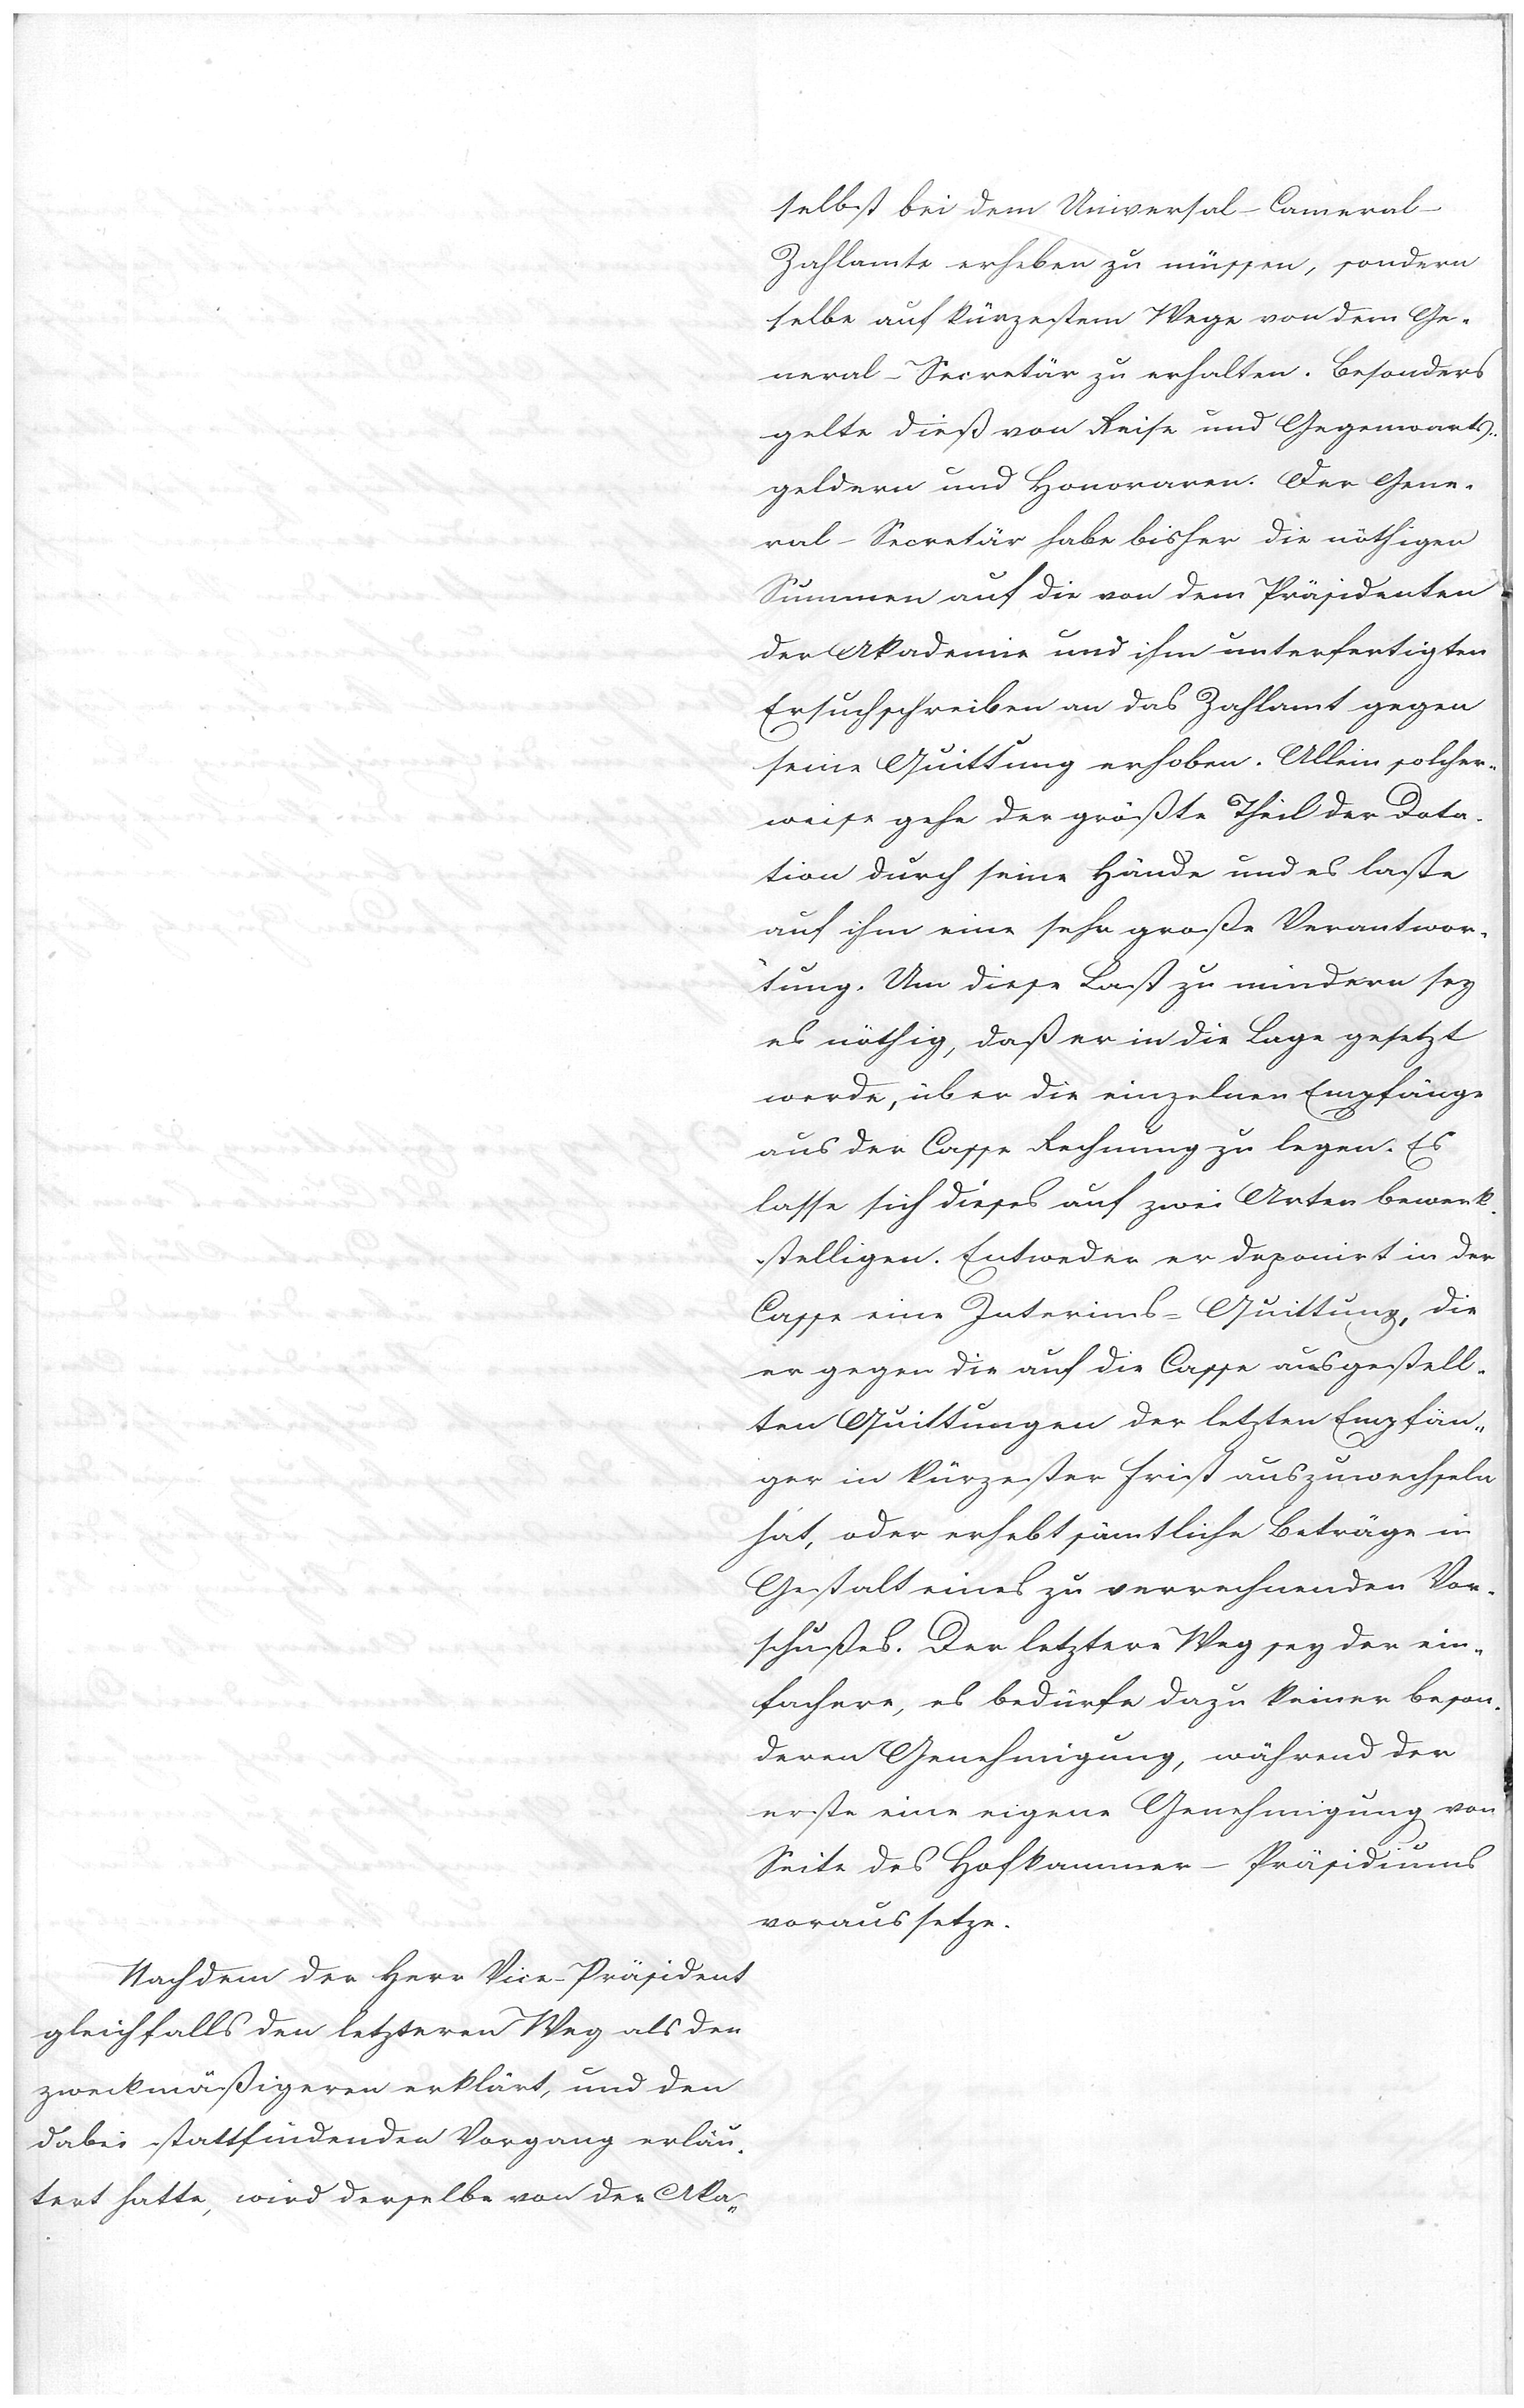selbst bei dem Universal-Cameral-
Zahlamte erheben zu müssen, sondern
selbe auf kürzestem Wege von dem Ge-
neral-Secretär zu erhalten. Besonders
gelte dieß von Reise und Gegenwarts-
geldern und Hnoraren. Der Gene-
ral-Secretär habe bisher die nöthigen
Summen auf die von dem Präsidenten
der Akademie und ihm unterfertigten
Ersuchschreiben an das Zahlamt gegen
seine Quittung erhoben. Allein solcher-
weise gehe der größte Theil der Dota-
tion durch seine Hände und es laste
auf ihm eine sehr große Verantwor-
tung. Um diese Last zu mindern sey
es nöthig, daß er in die Lage gesetzt
werde, über die einzelnen Empfänge
aus der Casse Rechnung zu legen. Es
lasse sich dieses auf zwei Arten bewerk-
stelligen. Entweder er deponirt in der
Casse eine Interims-Quittung, die
er gegen die auf die Casse ausgestell-
ten Quittungen der letzten Empfän-
ger in kürzester Frist auszuwechseln
hat, oder erhebt sämtliche Beträge in
Gestalt eines zu verrechnenden Vor-
schußes. Der letztere Weg sey der ein-
fachere, es bedürfe dazu keiner beson-
deren Genehmigung, während der
erste eine eigenen Genehmigung von
Seite des Hofkammer-Präsidiums
voraussetze.
Nachdem der Herr Vice-Präsident
gleichfalls den letzteren Weg als den
zweckmäßigeren erklärt, und den
dabei stattfindenden Vorgang erläu-
tert hatte, wird derselbe von der Aka-